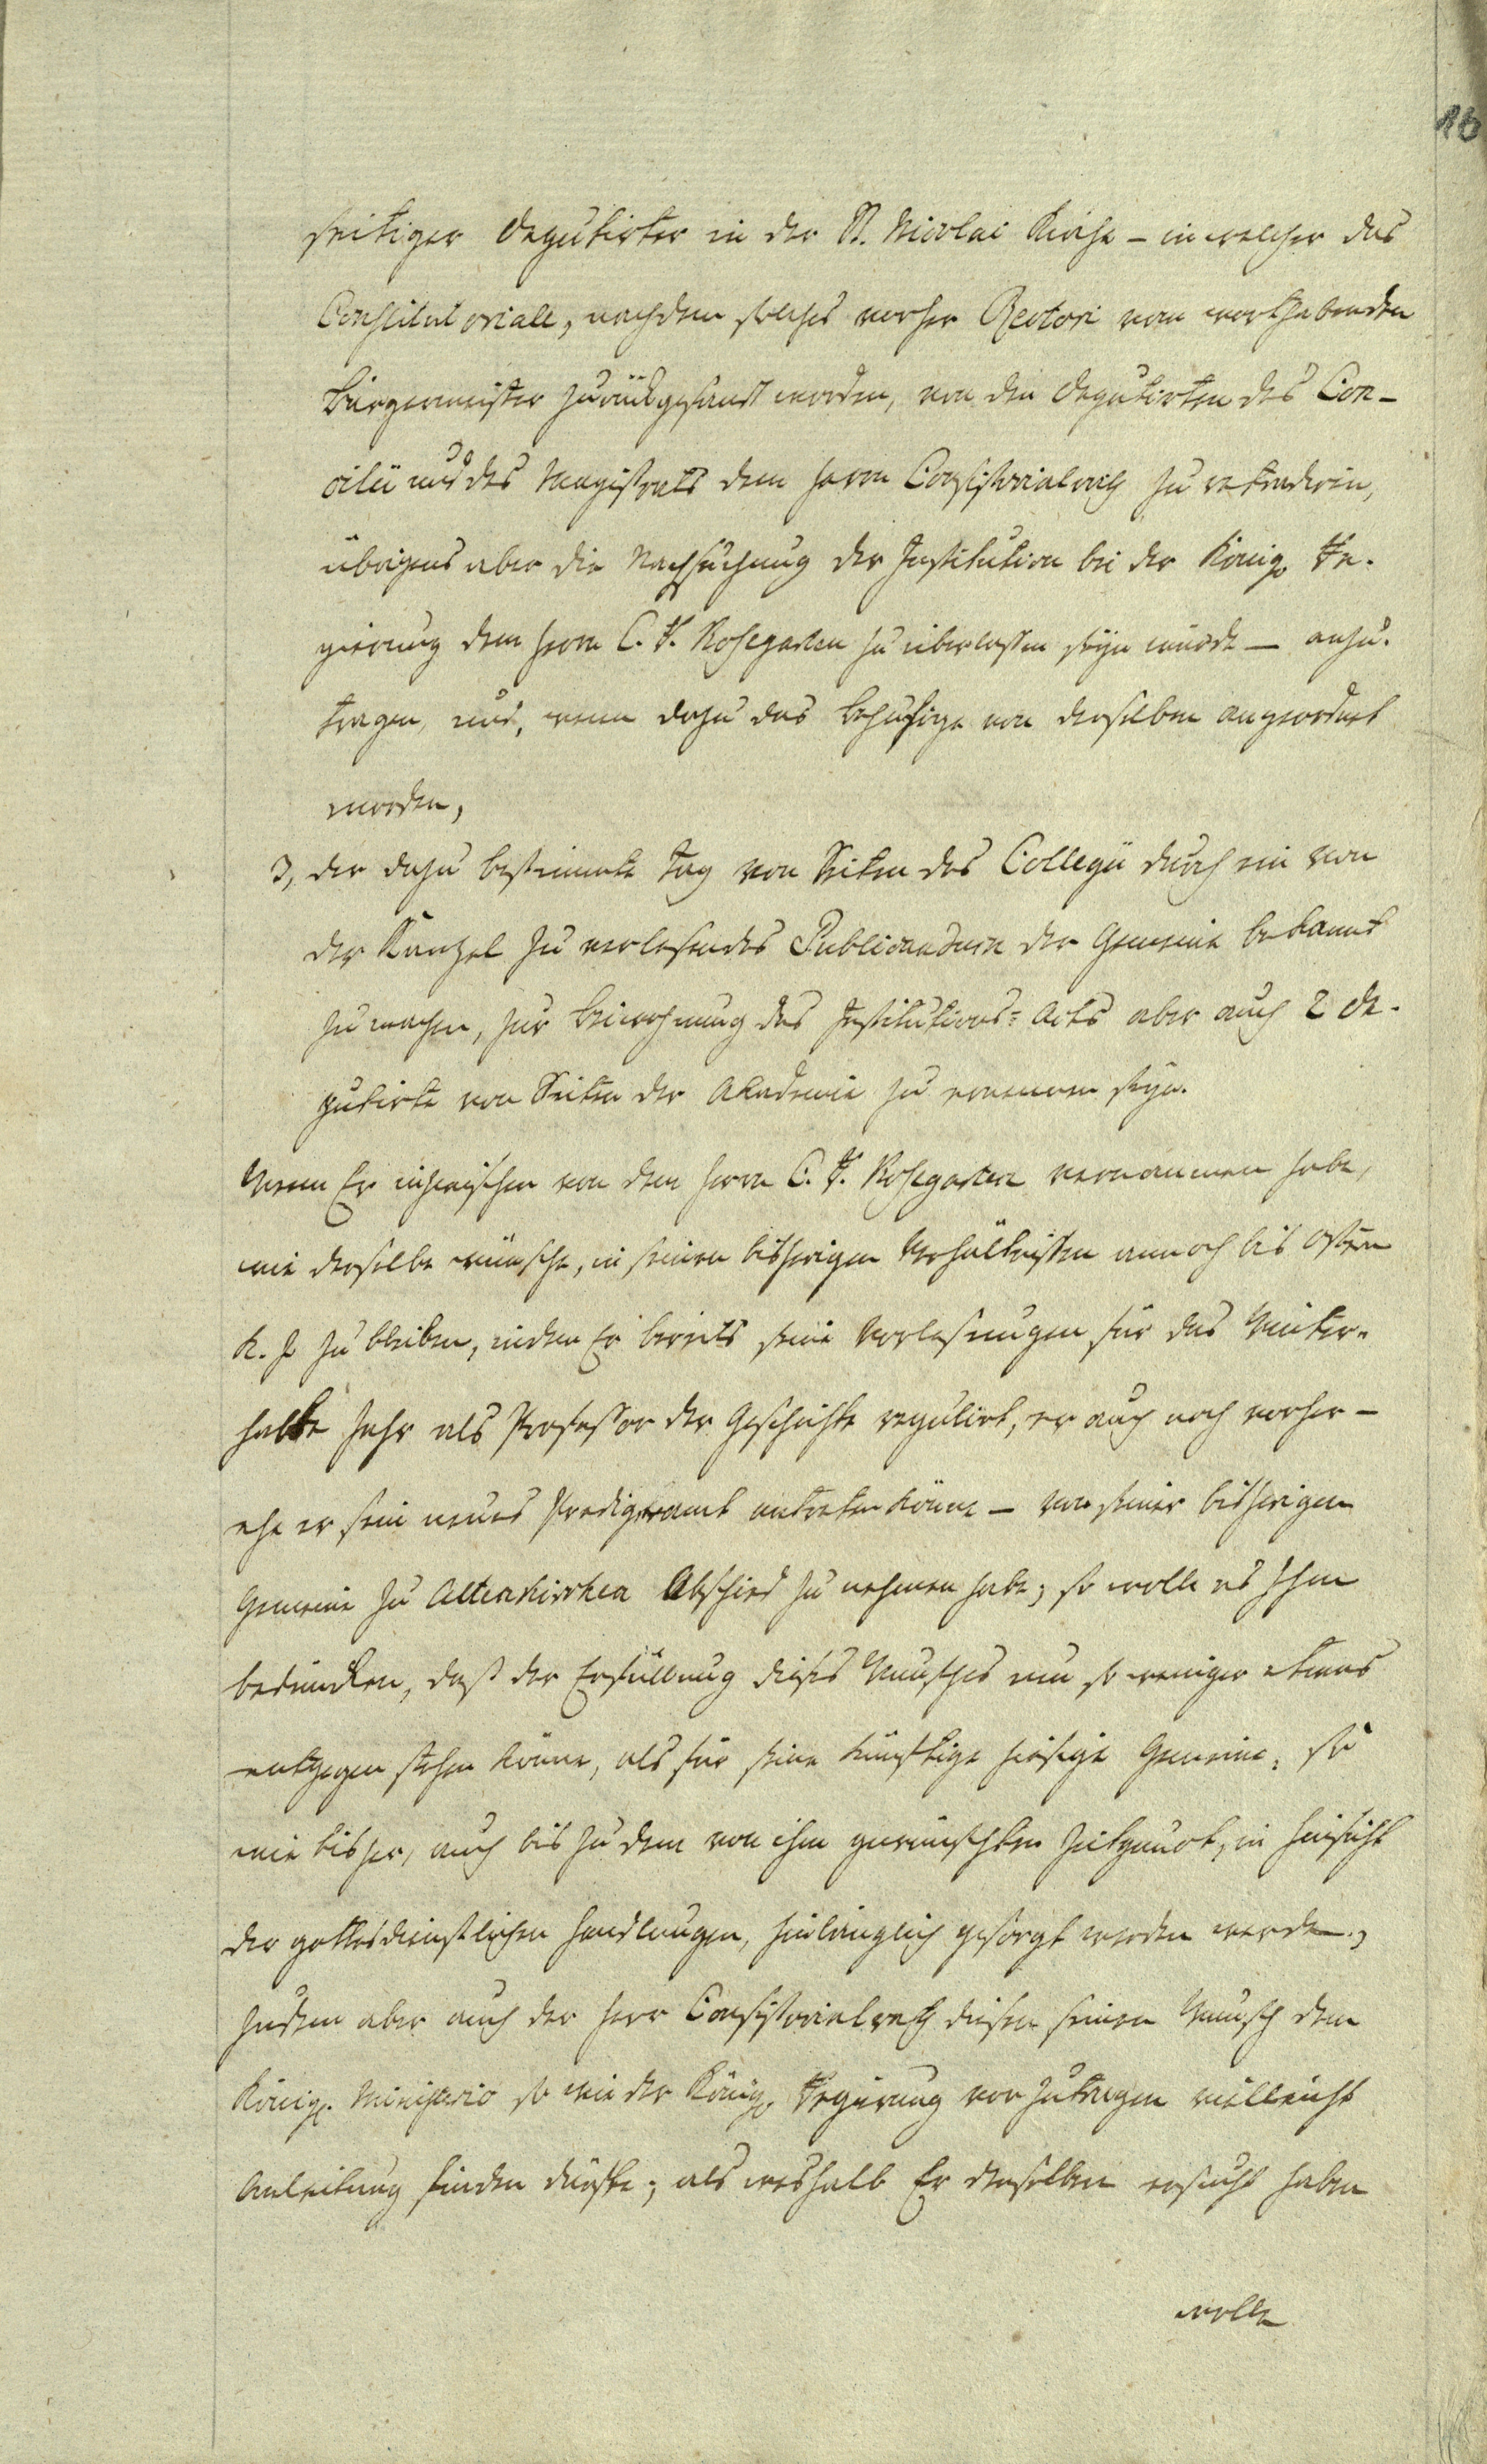seitiger Deputirter in der St. Nicolai Kirche - in welcher das
Constitutoriale, nachdem solches vorher Rectori vom worthabenden
Bürgermeister zurückgesandt worden, von den Deputirten des Con¬
cilii und des Magistrats dem Herrn Consistorialrath zu retradiren,
übrigens aber die Nachsuchung der Institution bei der König. Re¬
gierung dem Herrn C. R. Kosegarten zu überlassen seÿn würde - auszu¬
tragen, und, wenn dazu das Behufige von derselben angeordnet
worden,
3, der dazu bestimmte Tag von Seiten des Collegii auch ein von
der Kanzel zu verlesendes Publicandum der Gemeine bekannt
zu machen, zur Beiwohnung des Institutions- Acts aber auch 2 De¬
putirte von Seiten der Akademie zu ernennen seÿn.
Wenn Er inzwischen von dem Herrn C. R. Kosegarten vernommen habe,
wie derselbe wünsche, in seinen bisherigen Verhältnissen annoch es Ostern
K. J. zu bleiben, indem Er bereits seine Vorlesungen für das Winter¬
halbe Jahr als Professor der Geschichte regulirt, er auch noch vorher -
ehe er sein neues Predigeramt antreten könne - von seiner bisherigen
Gemeine zu Altenkirchen Abschied zu nehmen habe; so wolle es Ihm
bedüncken, daß der Erfüllung dieses Wunsches um so weniger etwas
entgegen stehen könne, als für seine künftige hiesige Gemeine, so
wie bisher, auch bis zu dem von ihm gewünschten Zeitpunct, in hinsicht
der gottesdienstlichen Handlungen, hinlänglich gesorgt werden werden,
zudem aber auch der Herr Consistorialrath diesen seinen Wunsch dem
Königl. Ministerio so wie der Königl. Regierung vorzutragen vielleicht
Anleitung finden dürfte; als weshalb Er denselben ersucht haben
wolle